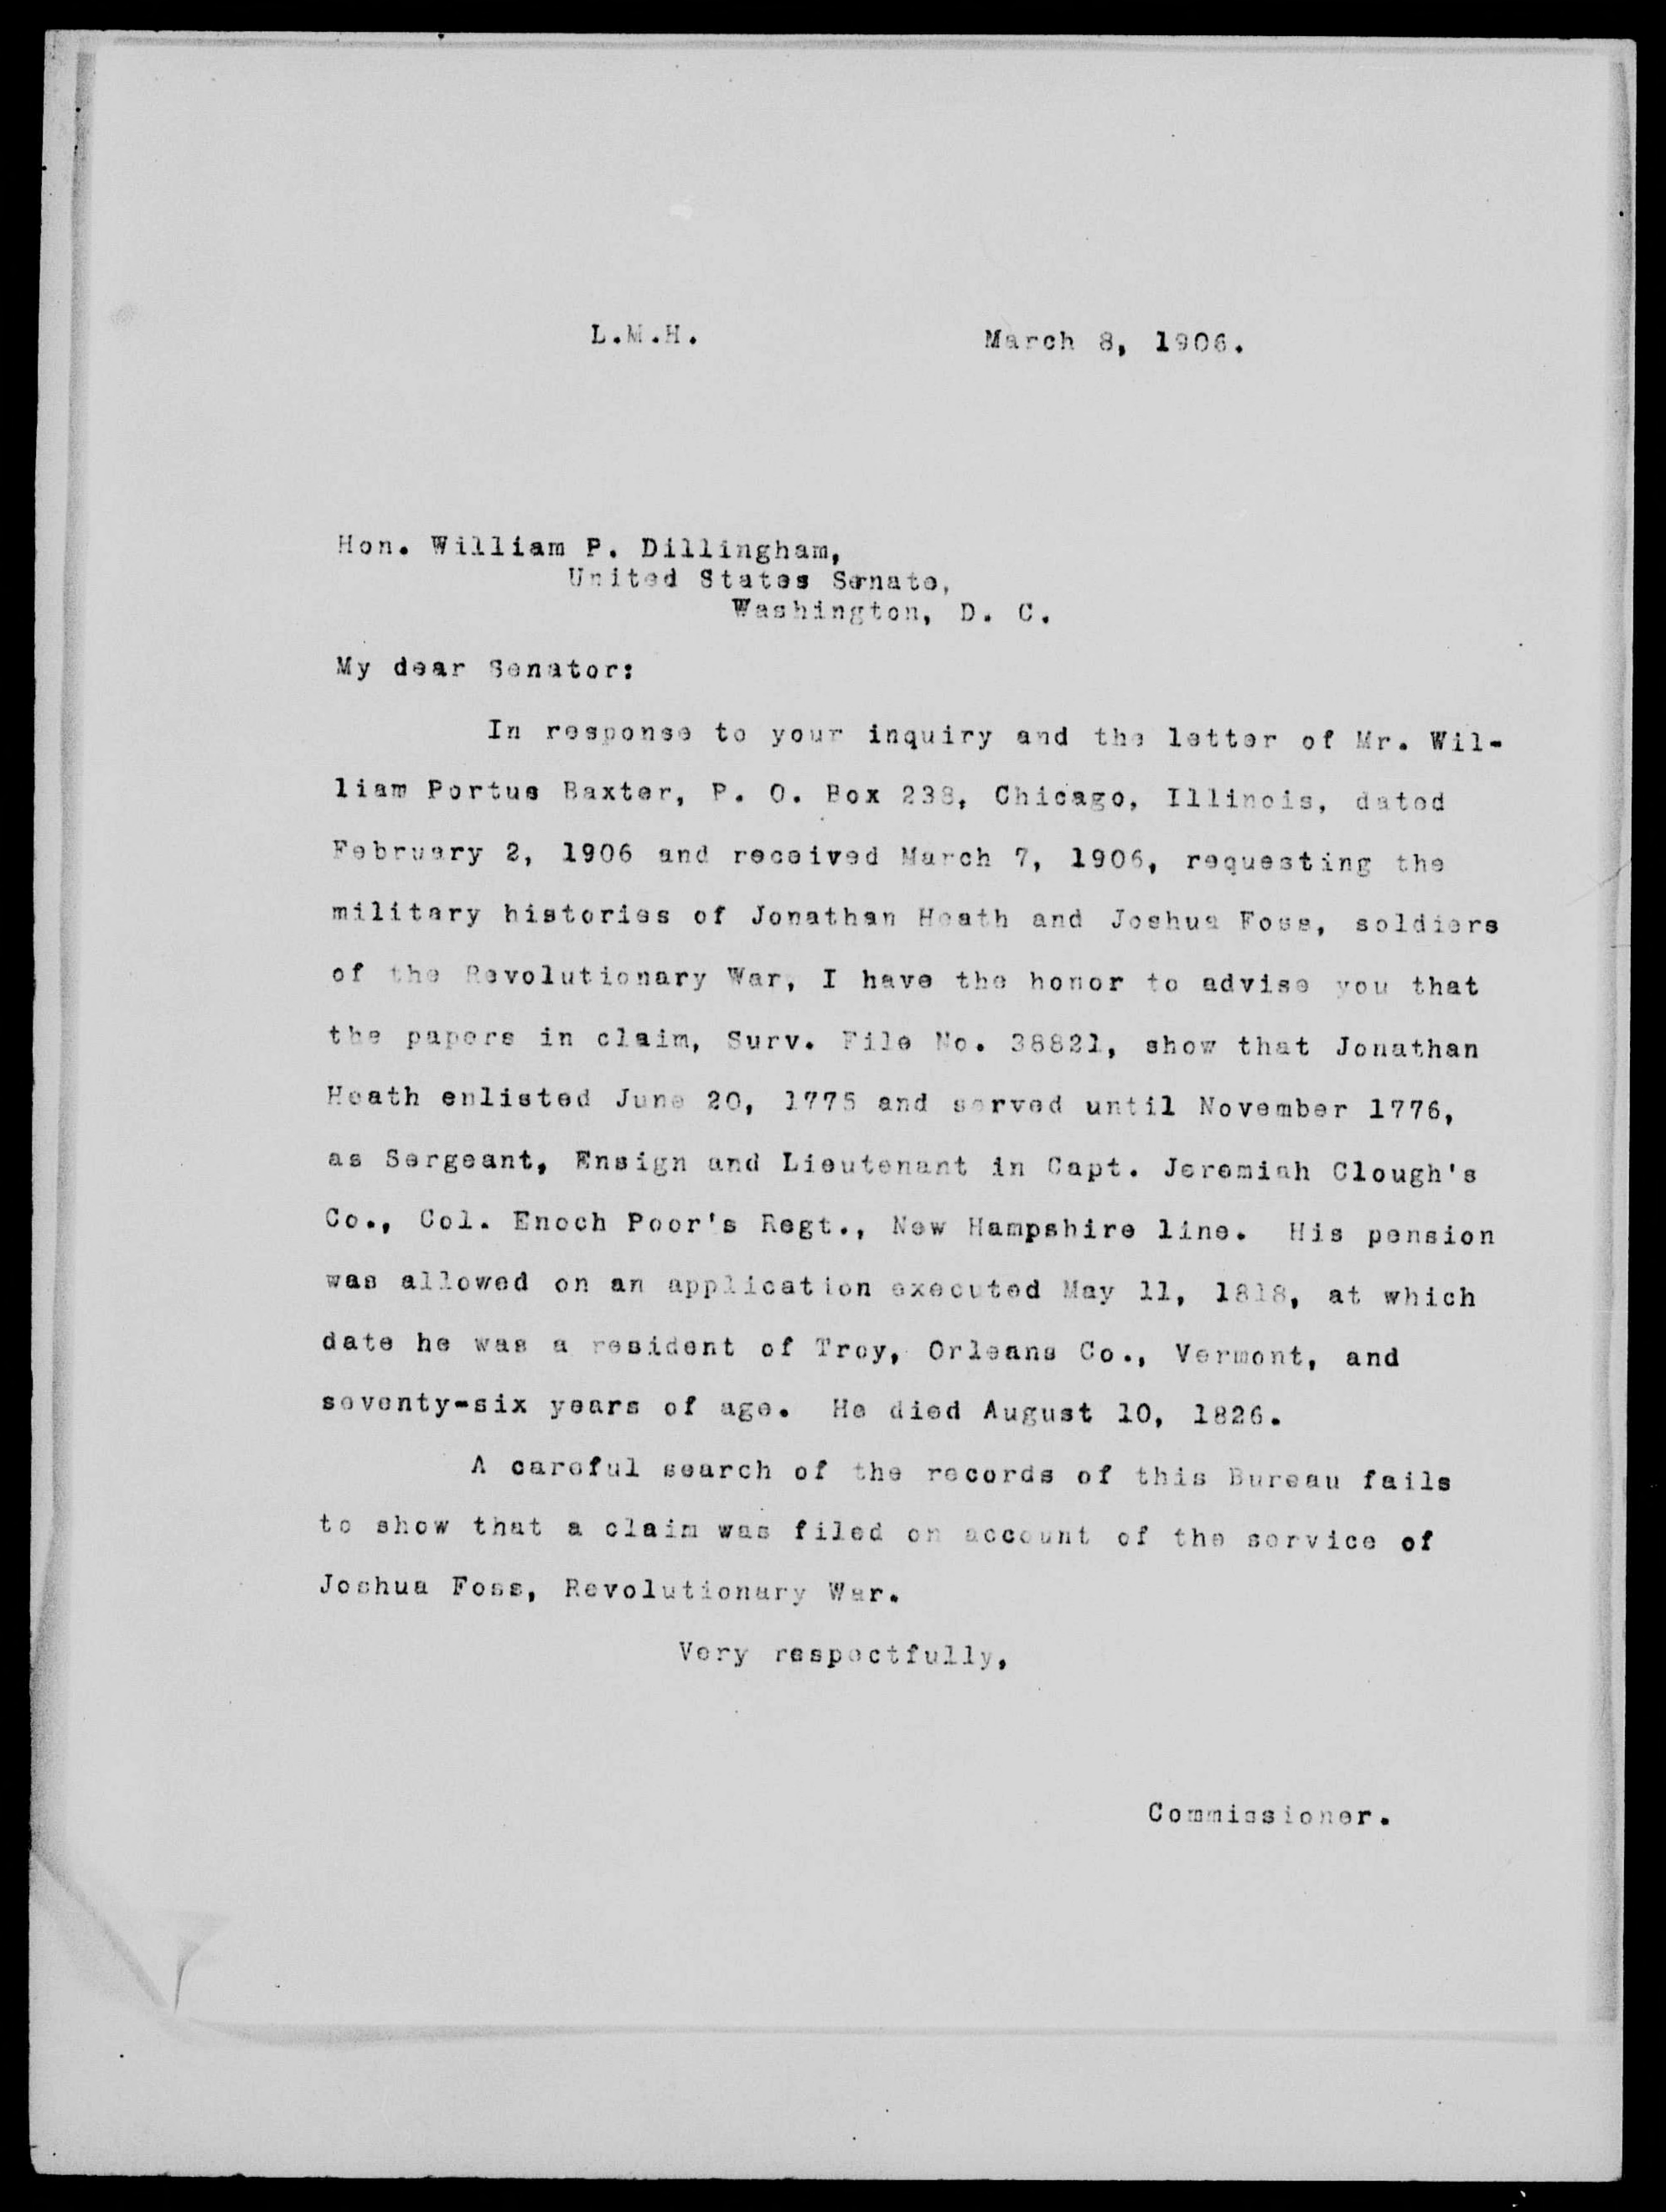L. M. H.                               March 8, 1906.
Hon. William P. Dillingham
United Senate
Washington, D.C.

My dear Senator:
In response to your inquiry and the letter of Mr. William Portus Baxter, P. O. Box 238, Chicago, Illinois, dated February 2, 1906 and received March 7, 1906, requesting the military histories of Jonathan Heath and Joshua Foss, soldiers
of the Revolutionary War, I have the honor to advise you that the papers in claim, Surv. File No. 38821, show that Jonathan Heath enlisted June 20, 1775 and served until November 1776,
as Sergeant, Ensign and Lieutenant in Capt. Jeremiah Clough's Co., Col. Enoch Poor's Regt., New Hampshire line. His pension was allowed on an application executed May 11, 1818, at which date he was a resident of Troy, Orleans Co., Vermont, and seventy-six years of age. He died August 10, 1826.

A careful search of the records of this Bureau fails to show that a claim was filed on account of the service of Joshua Foss, Revolutionary War.

Very respectfully,
Commissioner.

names: Jonathan Heath, William P Dillingham, Joshua Foss, Jonathan Heath, William Portus Baxter, Joshua Foss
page: 22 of 22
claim: survivor's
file: S. 38821, Jonathan Heath, Continental N.H.